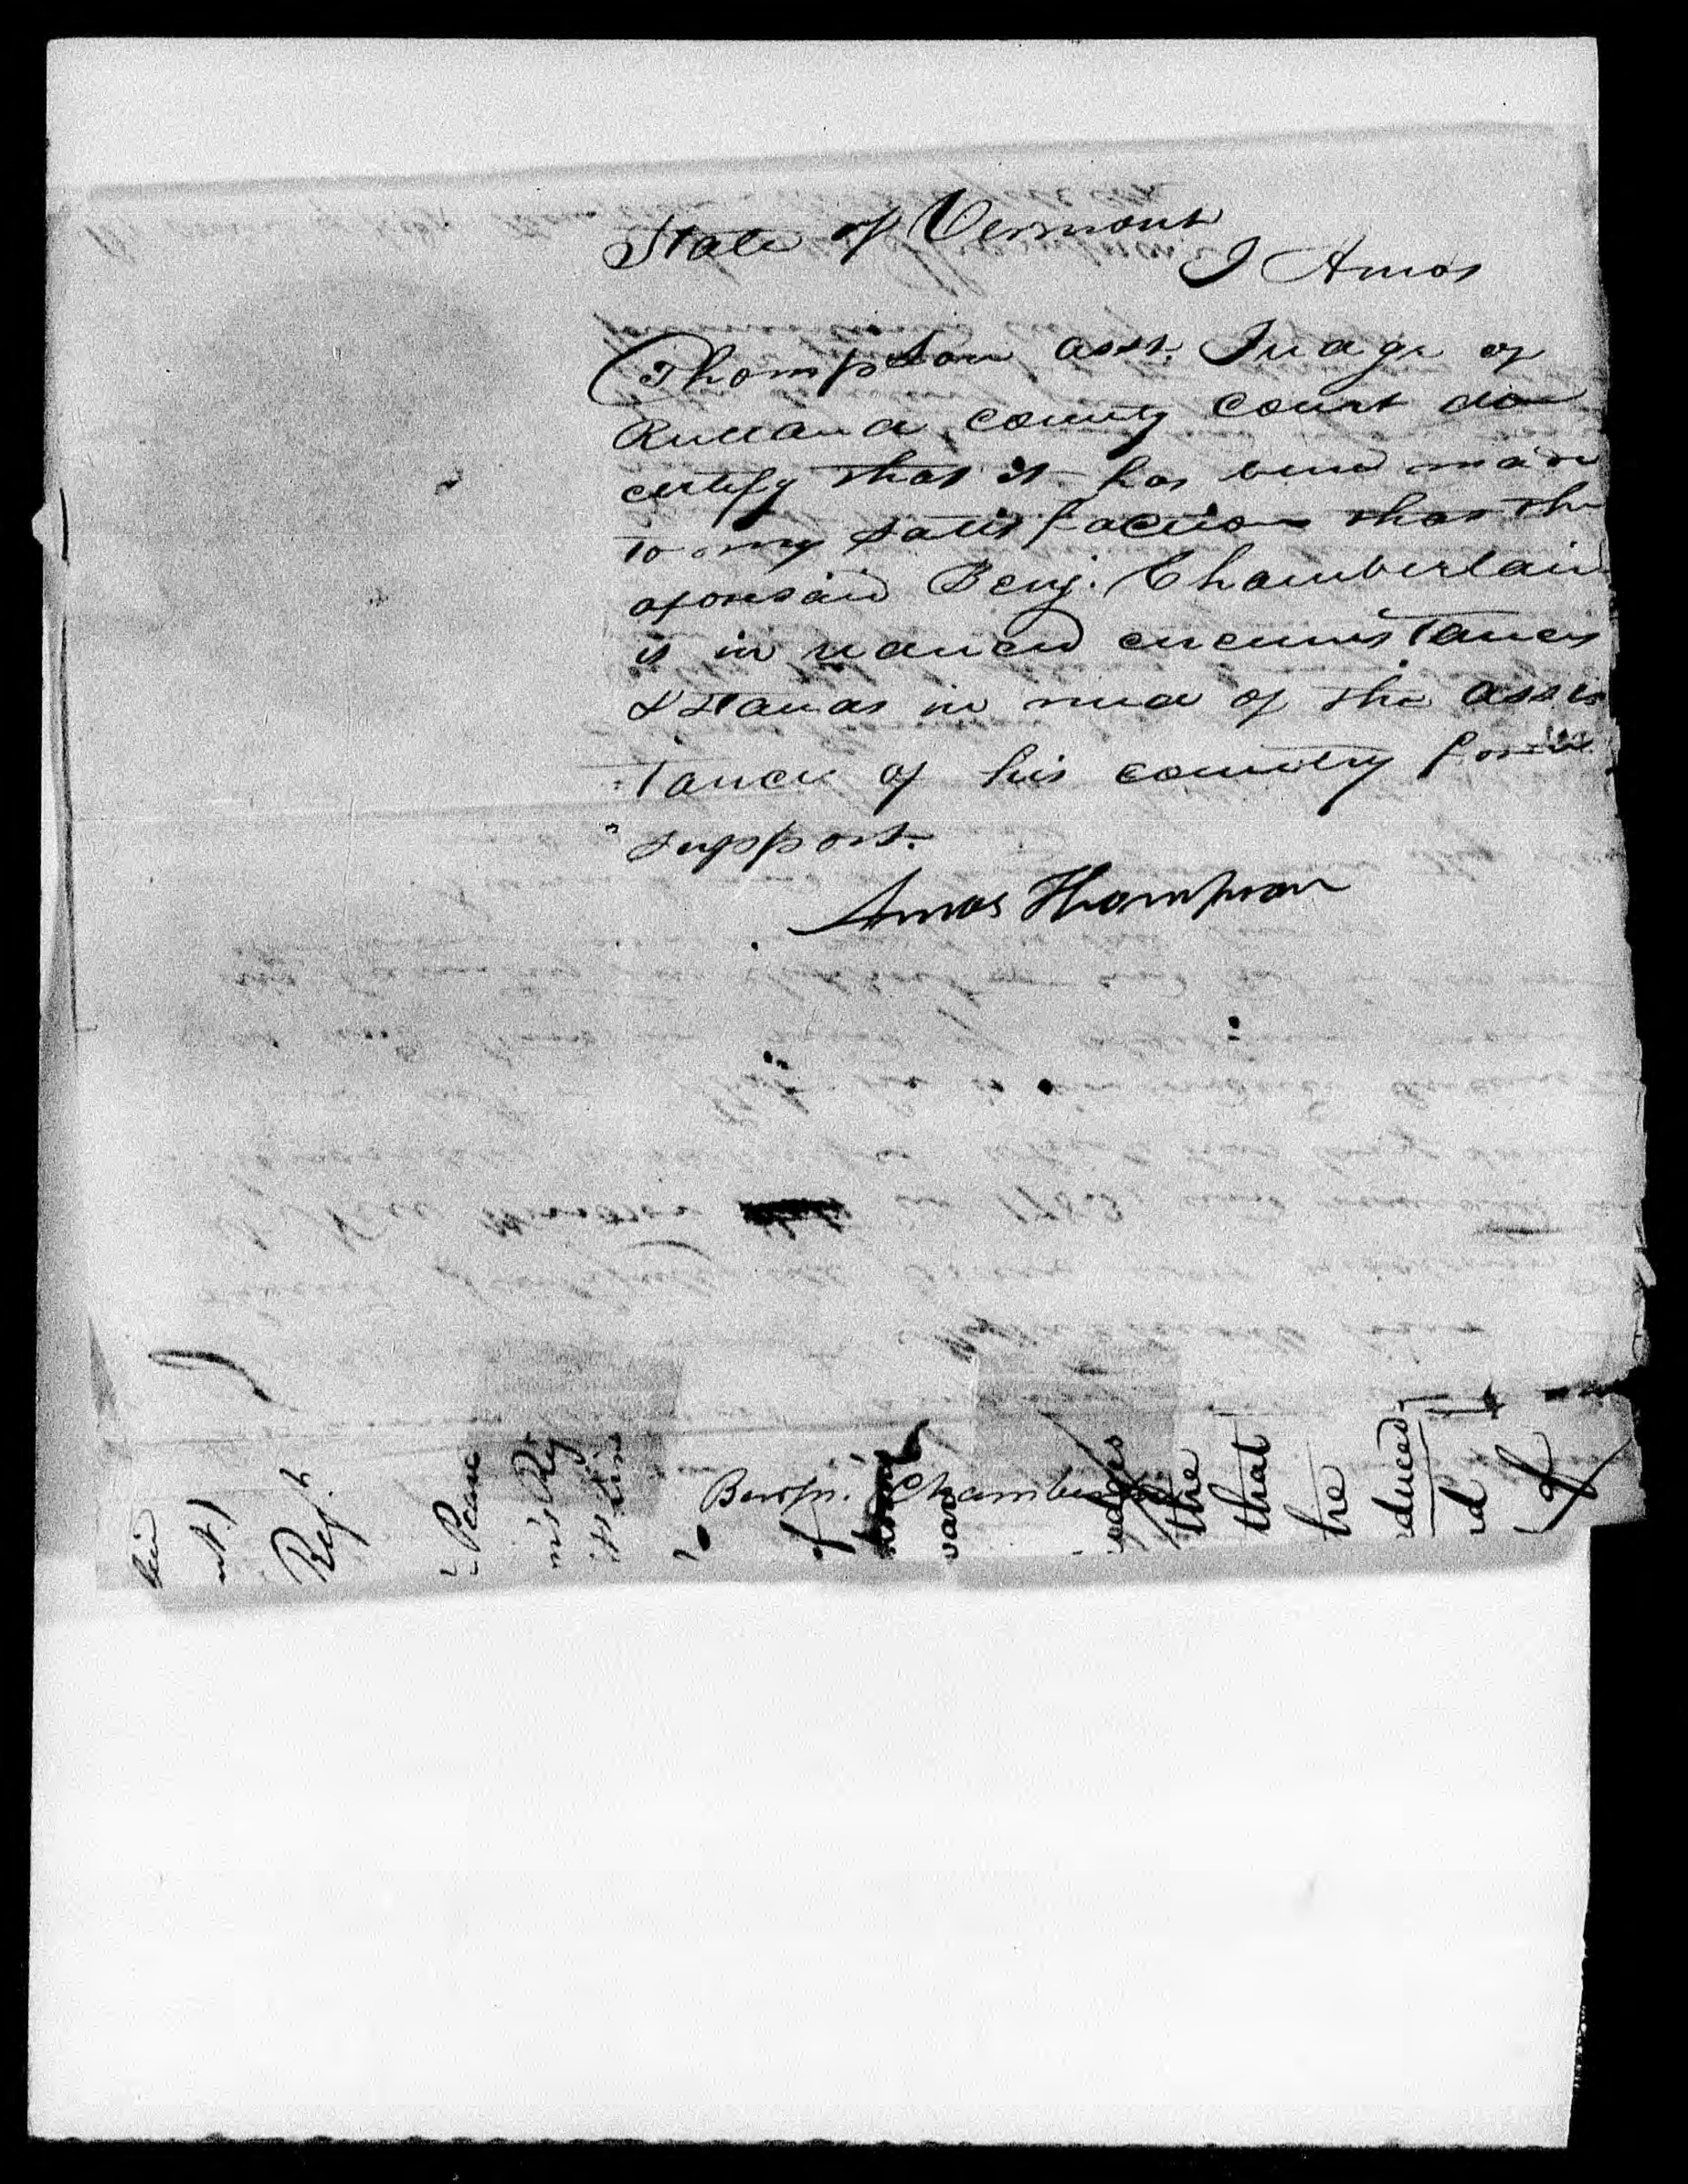State of Vermont   I Amos Thompson as a Judge of Rutland County Court do certify that it has been made to my satisfaction that the aforesaid Bemj. Chamberlain is in reduced circumstances & stands as in need of the assistance of his country for support.
Amos Thompson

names: Amos Thompson, Amos Thompson, Benj Chamberlain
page: 5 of 30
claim: survivor's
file: S. 39306, Benjamin Chamberlin, Mass.